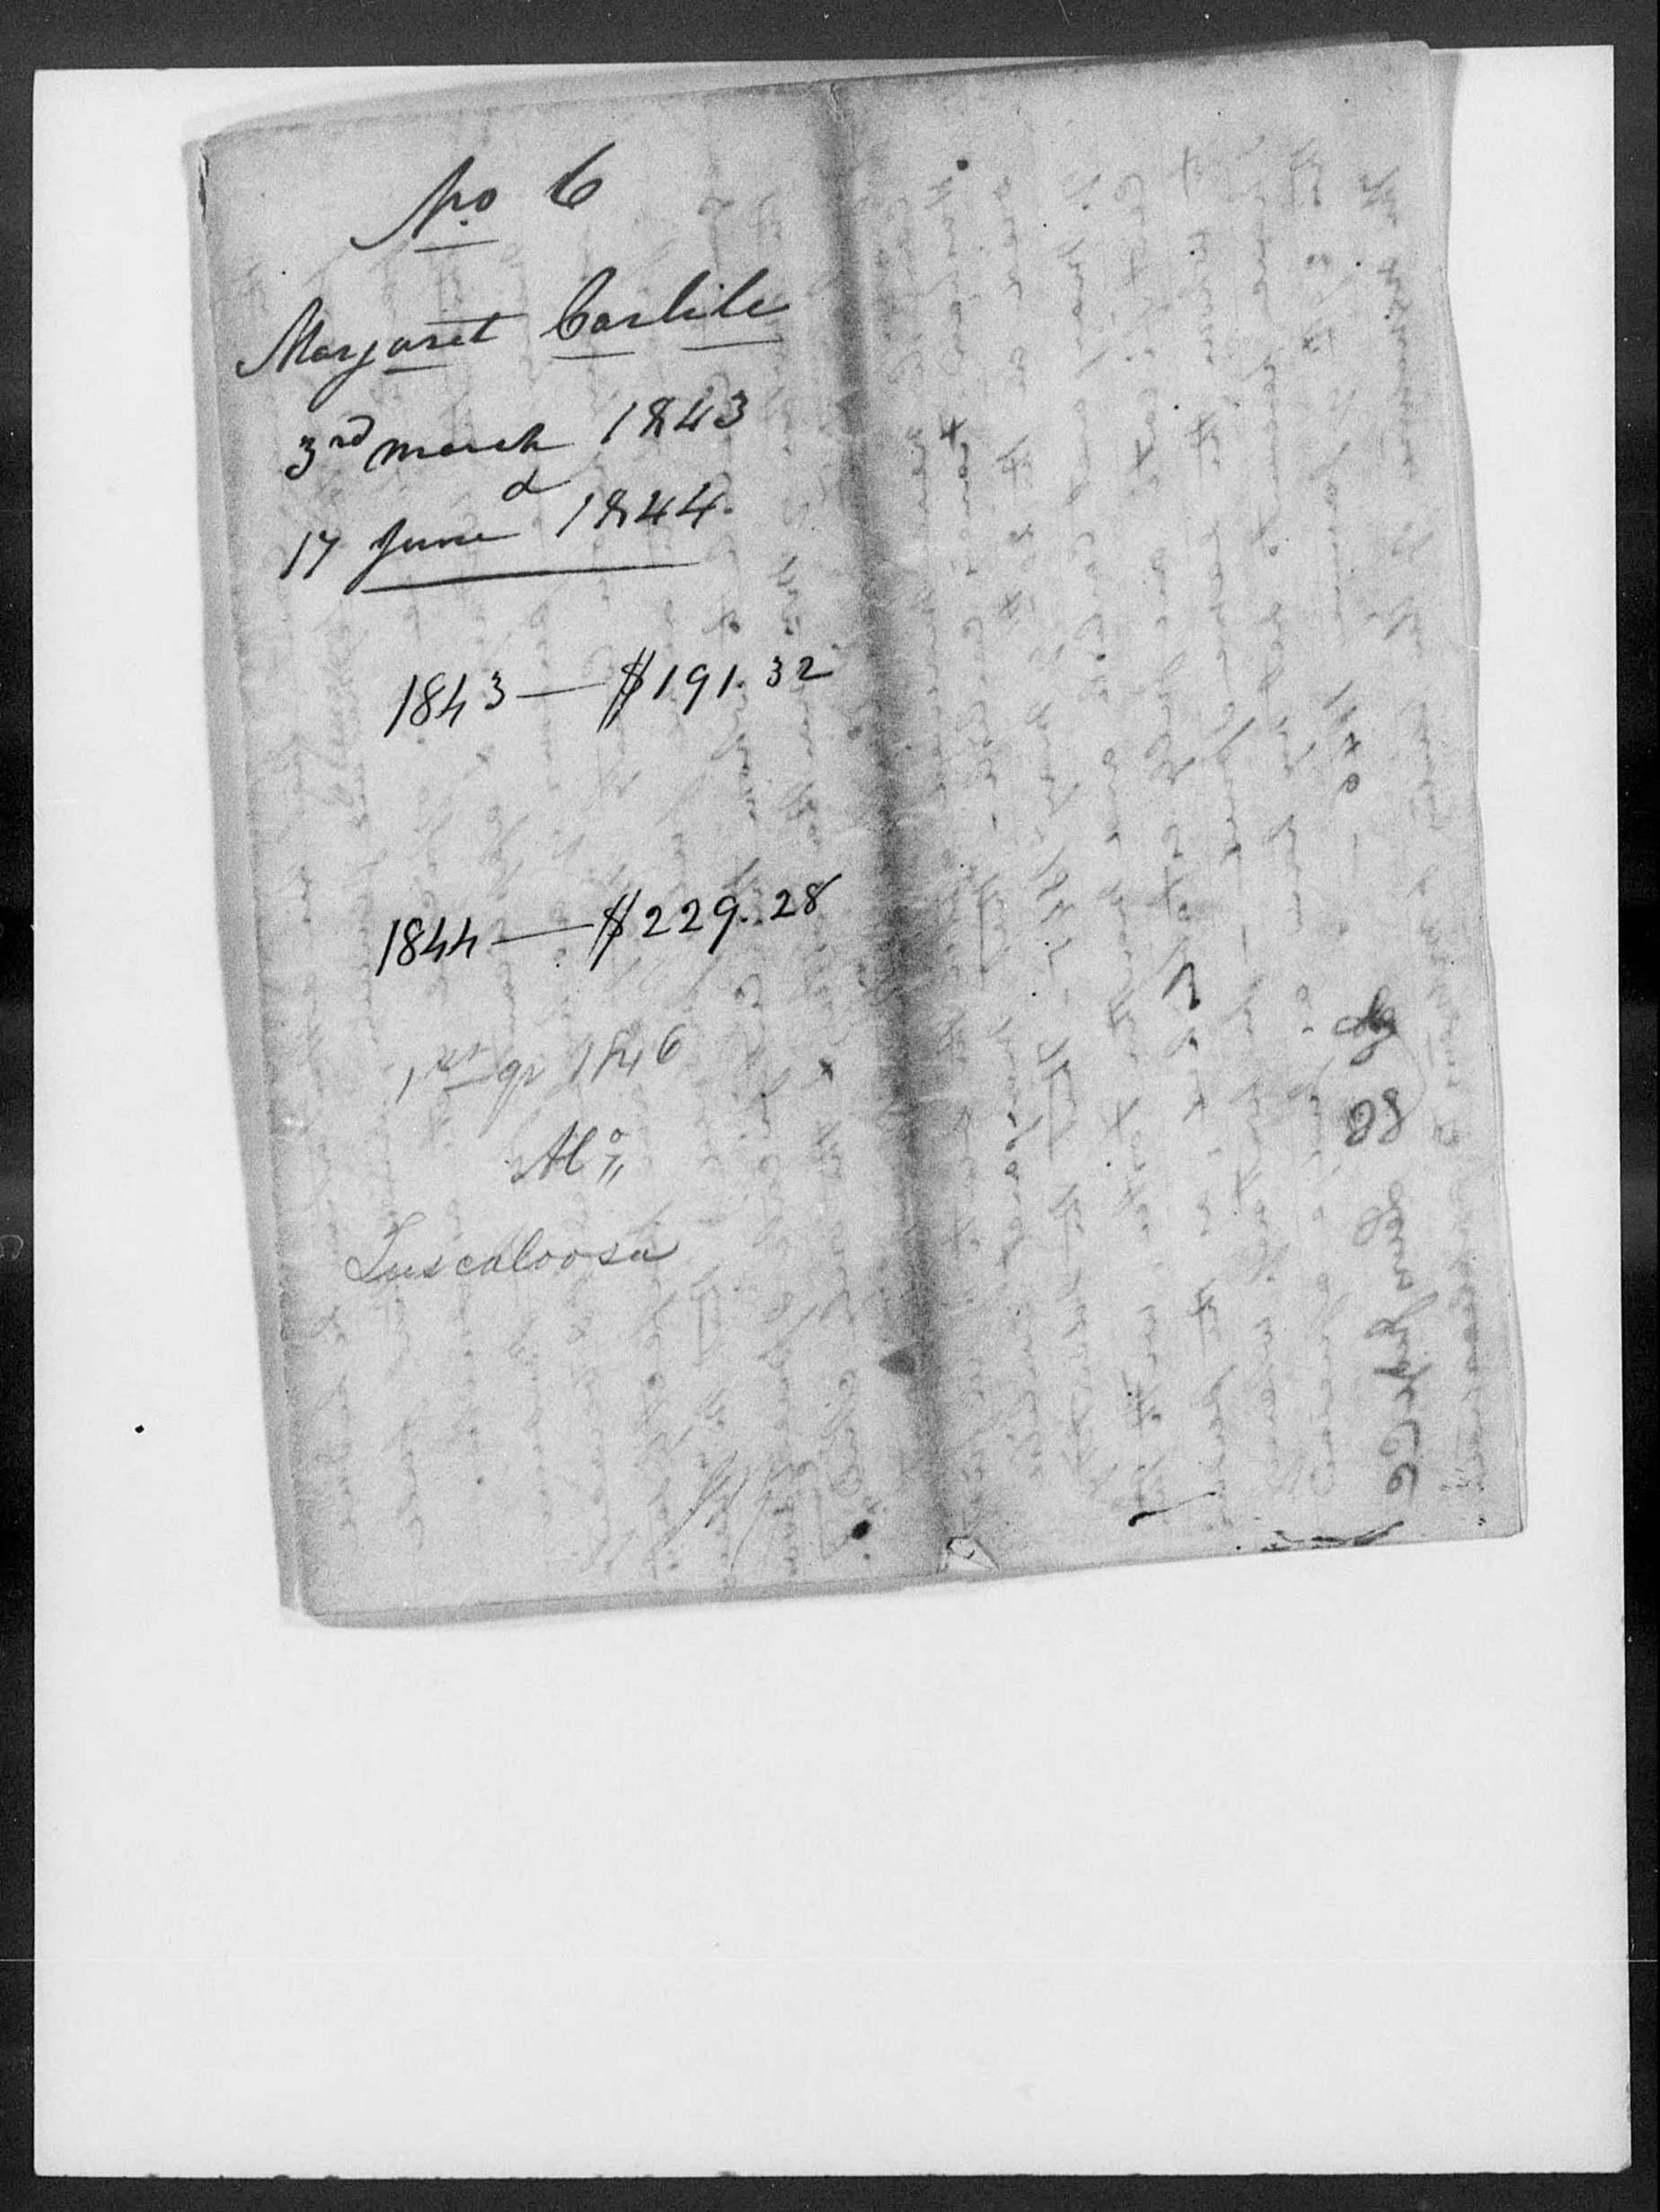No  6

Margaret Carlile

3rd March 1843
&
17 June 1844.

1843 --  $191.32


1844 --  $229.28

1    - [illegible]
Ala
Tuscaloosa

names: Margaret Carlile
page: 14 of 91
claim: widow's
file: W. 10576, Francis Carlisle, S.C.